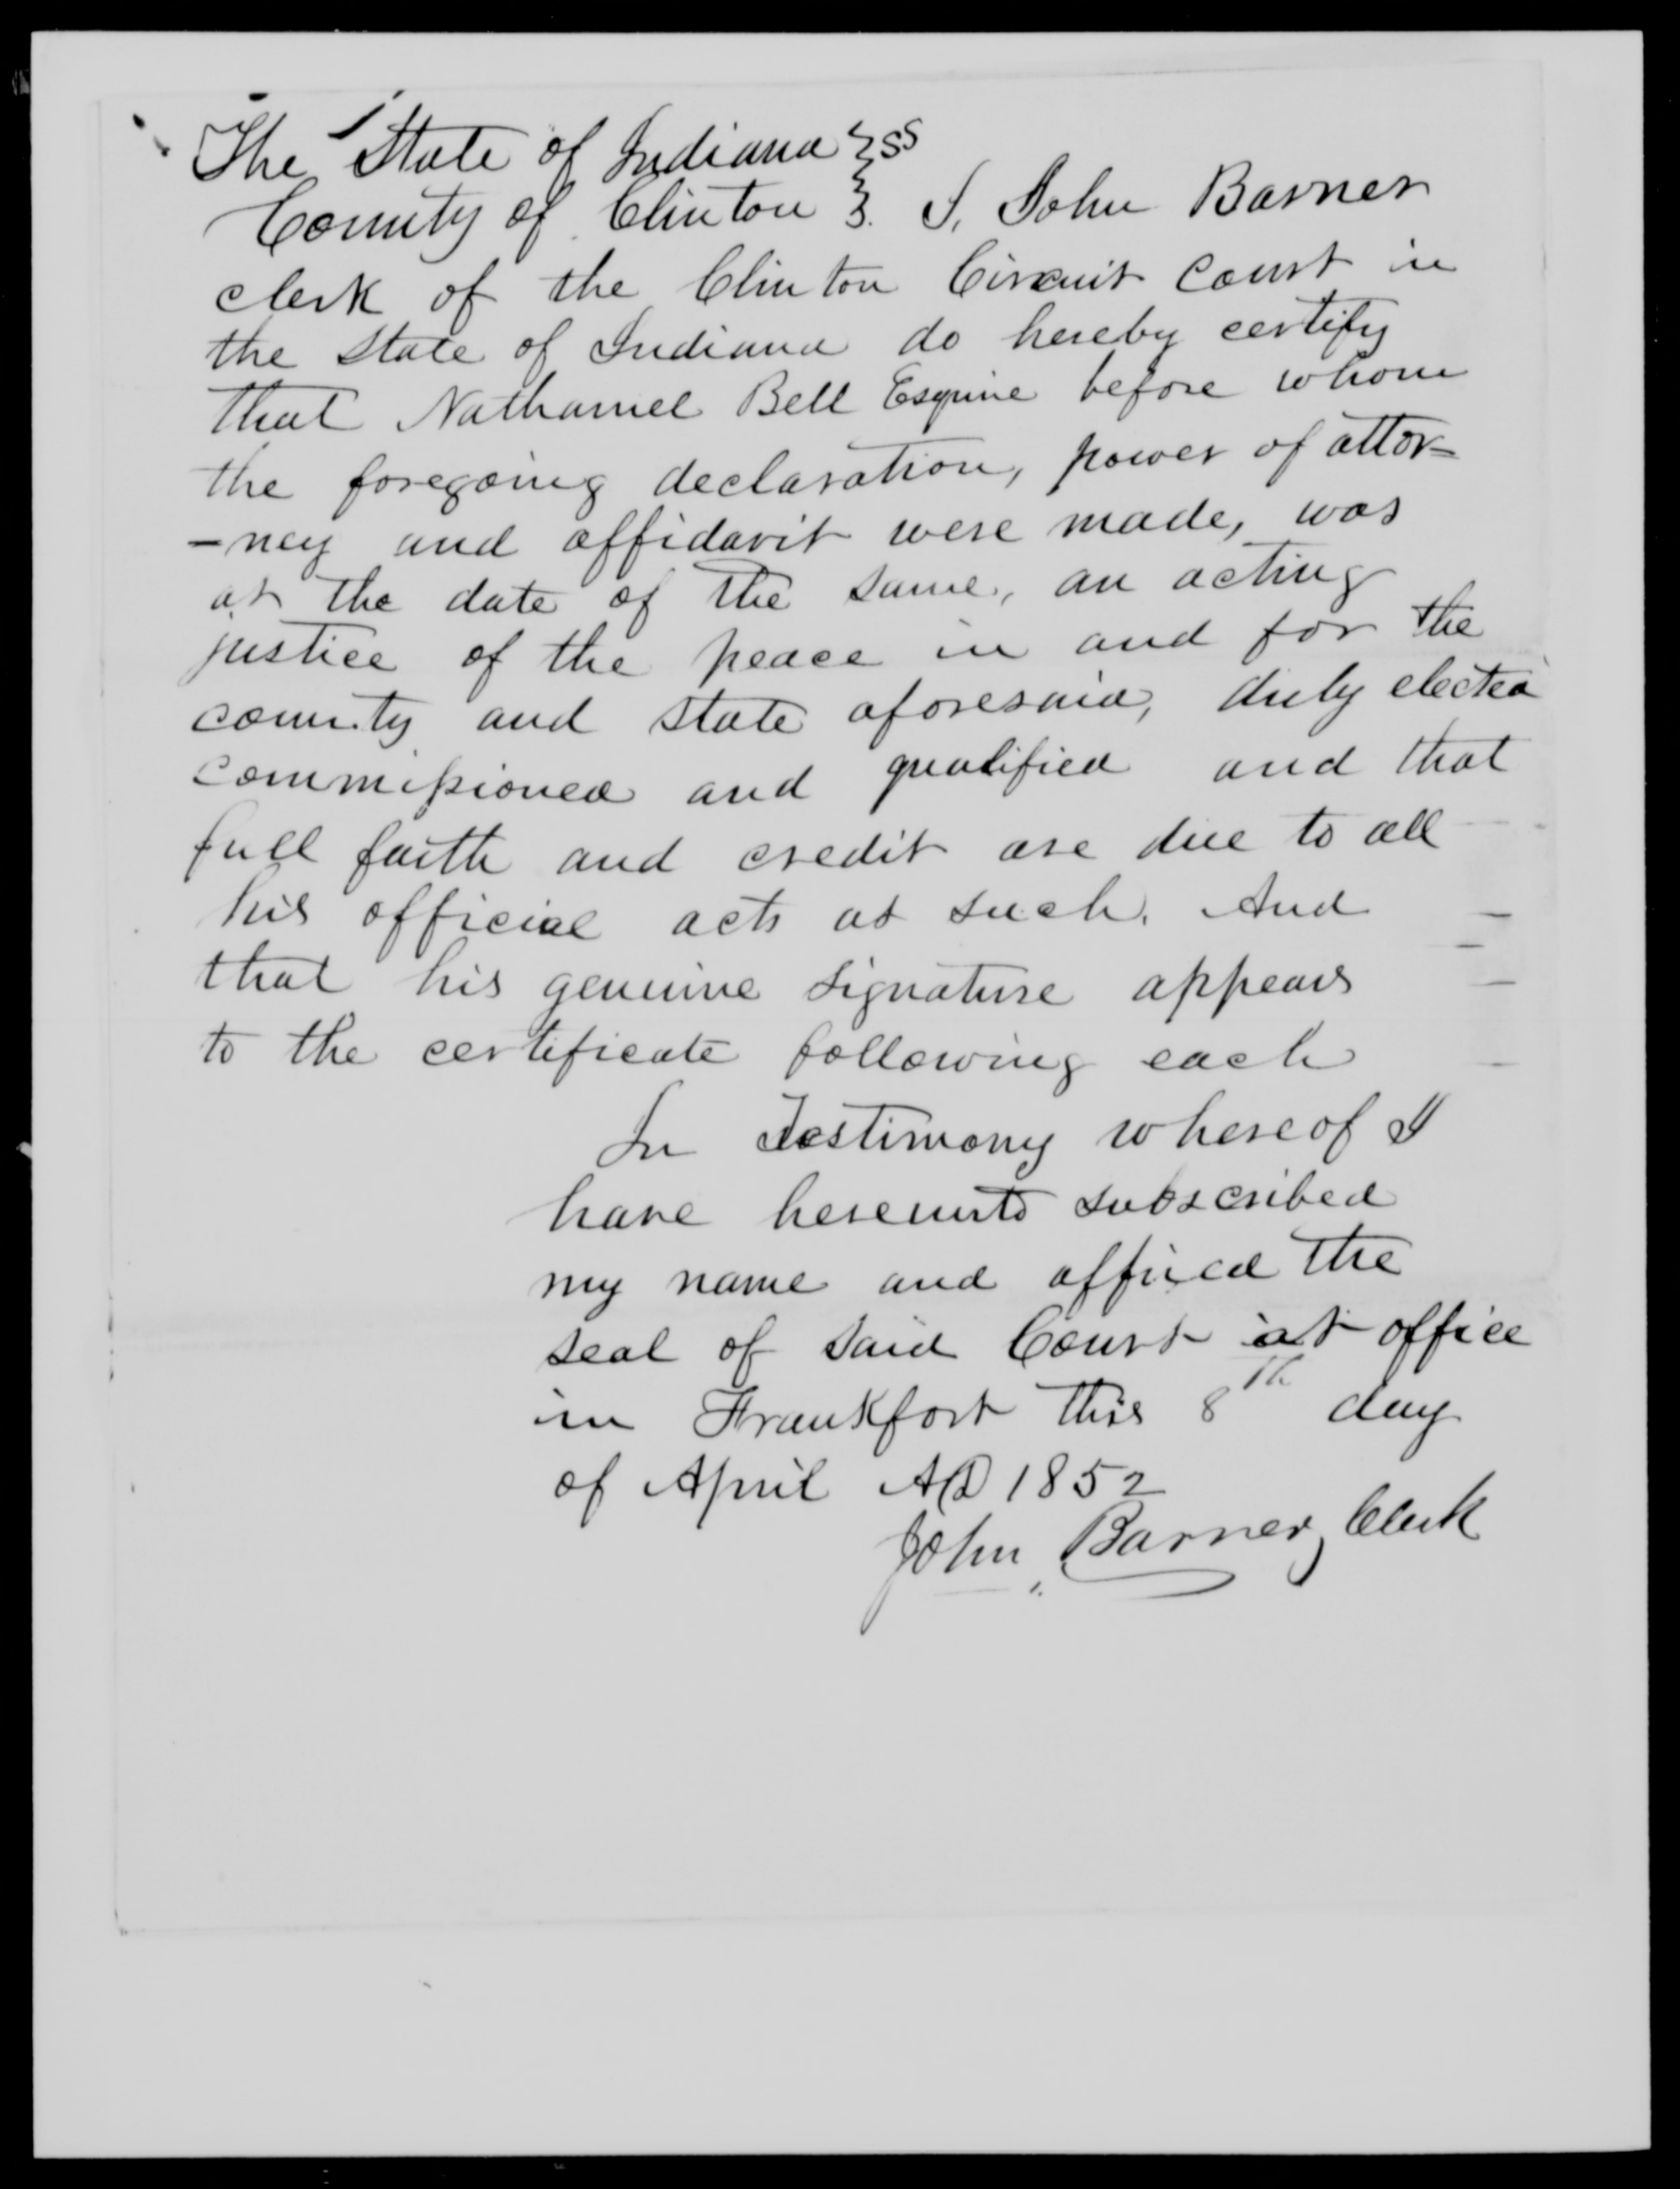The State of Indiana County of Clinton 
I, John Barner Clerk of the Clinton Circuit Court, in
the State of Indiana do hereby certify
that Nathaniel Bell Esquire before whom
the foregoing declaration, power of attorney
and affidavit were made, was at the date of the same, an acting justice of the peace in and for the
County and State aforesaid, duly elected commissioned and qualified and that
full faith and credit are due to all his official acts as such. And that his genuine signature appears
to the certificate following each
In Testimony whereof I have hereunto subscribed
my name and affixed the seal of said Court at office
in Frankfort this 8th day of April AD 1852
John Barner Clerk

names: Nathaniel Bell, John Barner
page: 95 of 123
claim: rejected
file: R. 11,949, Matthias Young, Md.